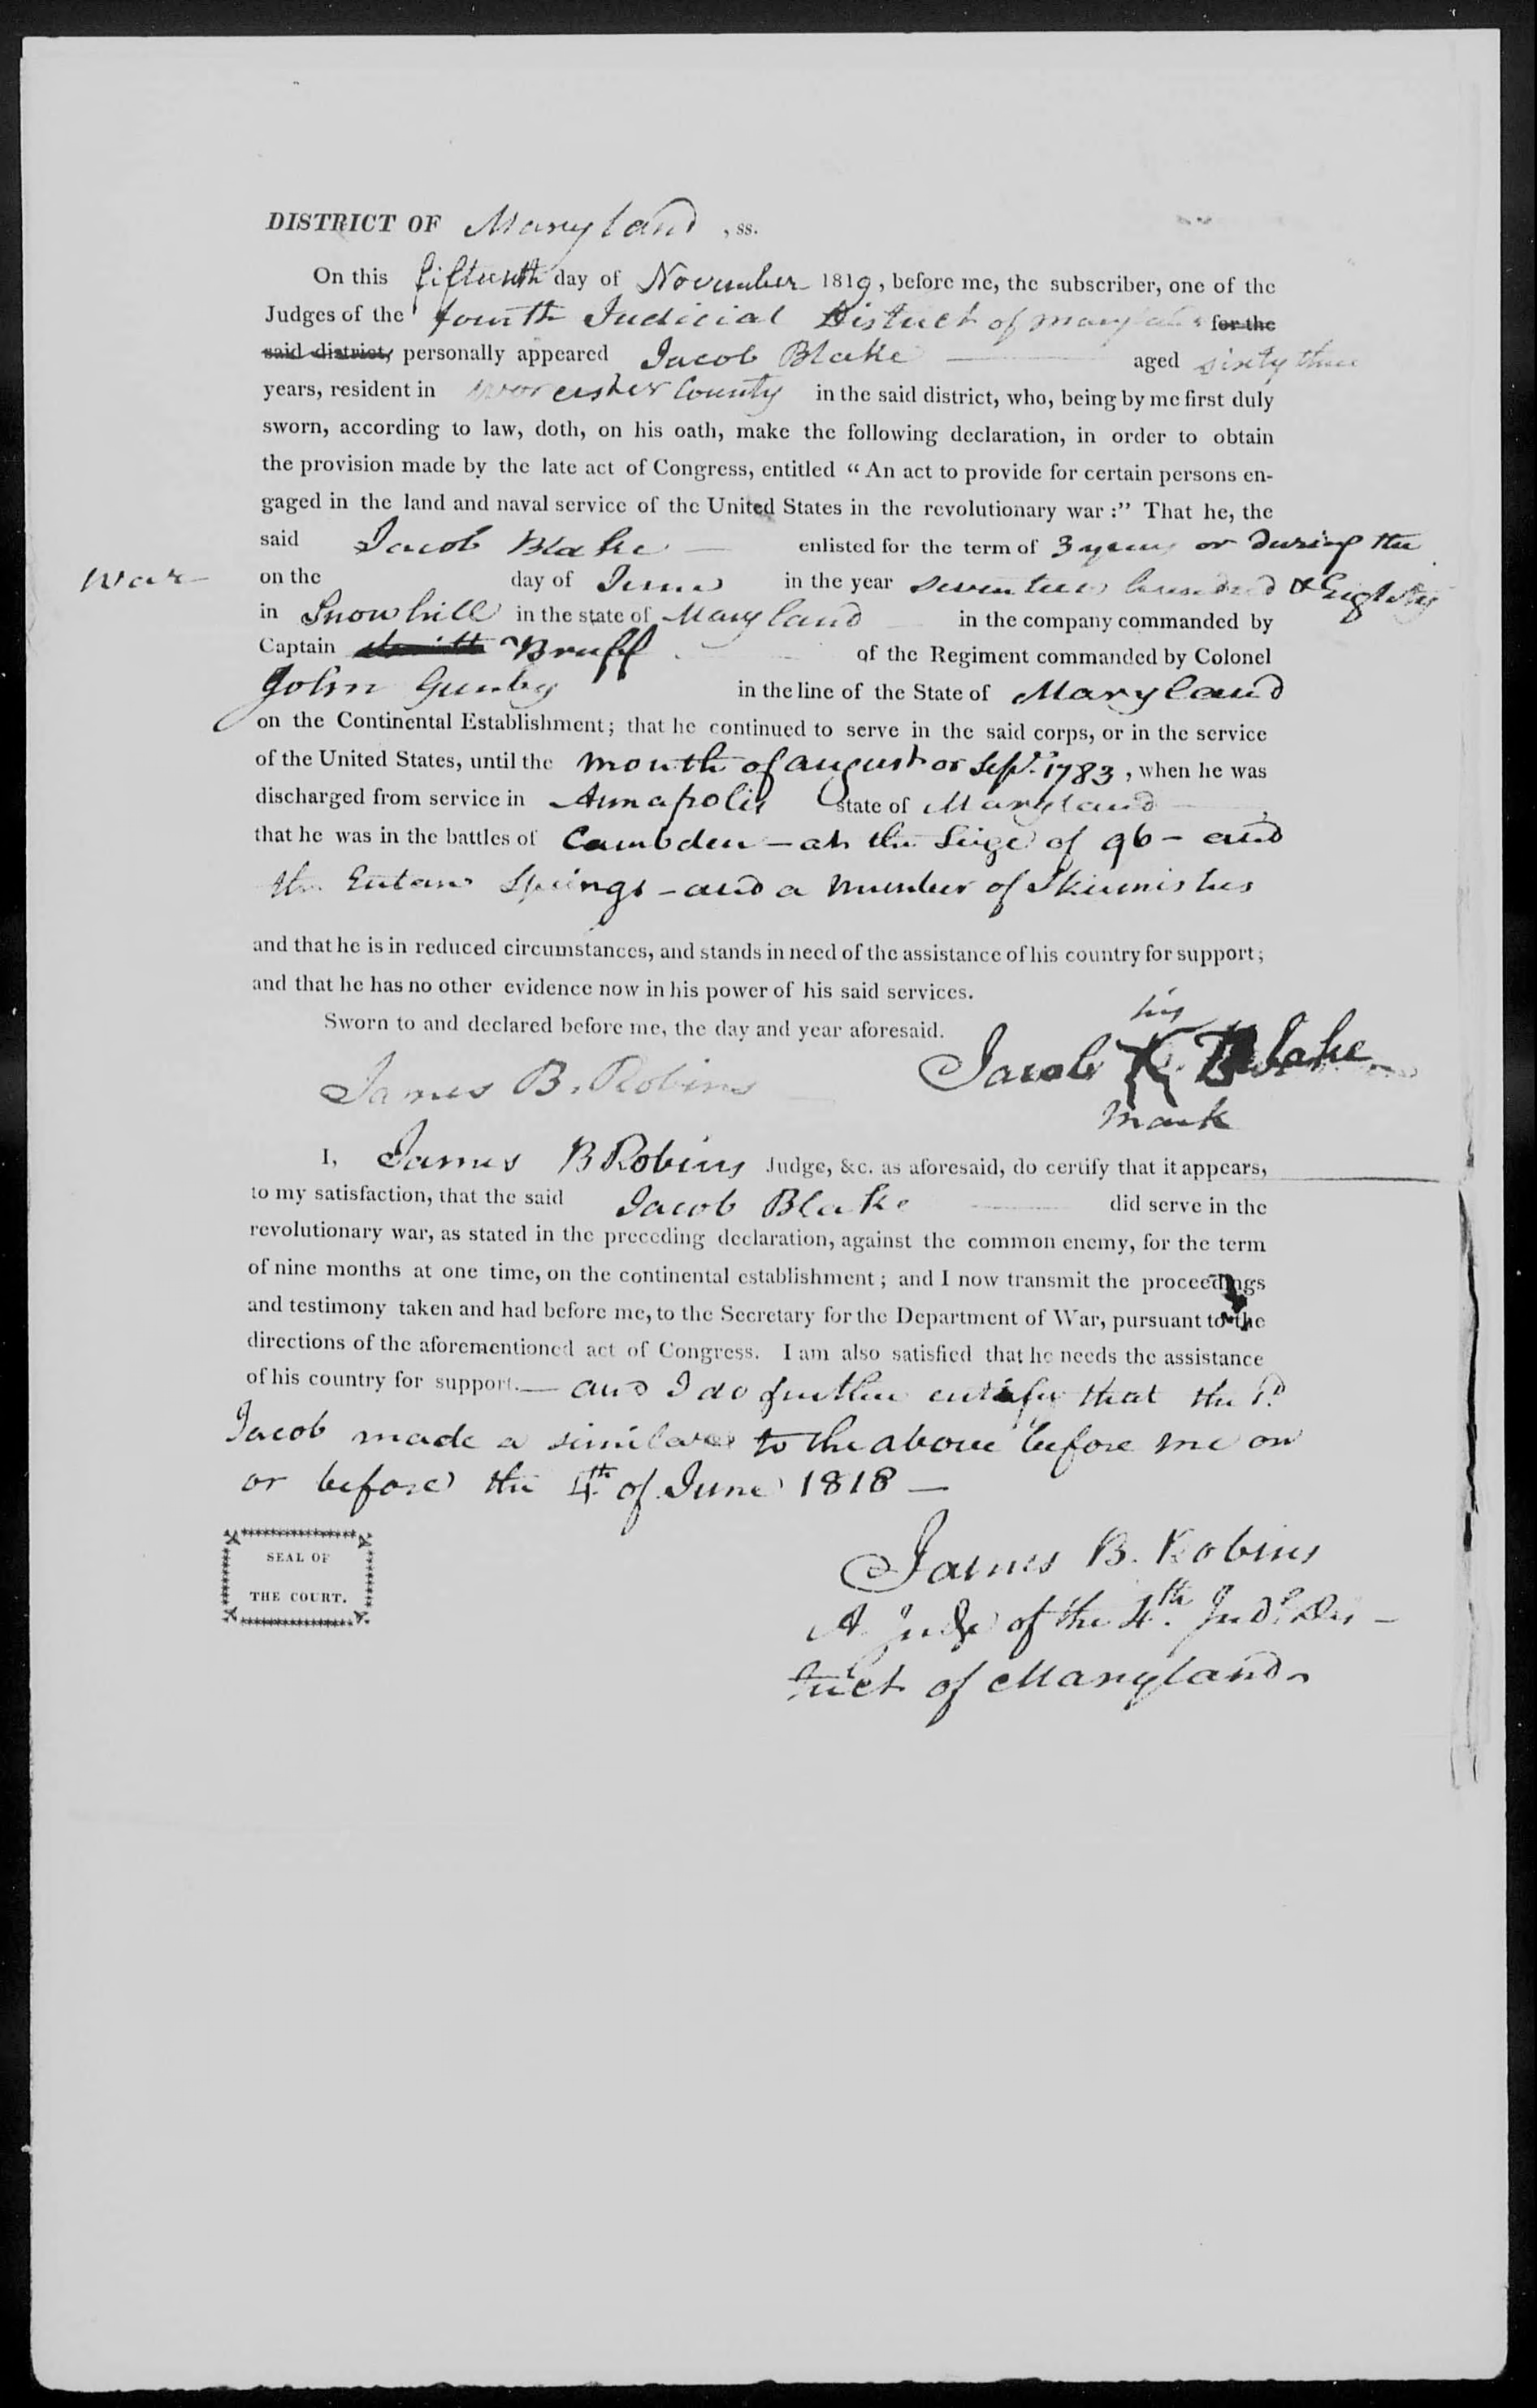District of Maryland

On this fifteenth day of November 1819 before me the subscriber one of the Judges of the fourth Judicial District of Maryland personally appeared Jacob Blake aged sixty-three years resident in Worcester County in the said district who being by me first duly sworn according to law doth on his oath make the following declaration in order to obtain the provision made  by the late act of Congress entitle "An act to provide for certain persons engaged in the land and naval service of the United States in the revolutionary war". That he the said Jacob Blake enlisted for the term of 3 years during the war on the [blank] day of June in the year seventeen hundred and eighty in Snow Hill in the state of Maryland in the company commanded by Captain Bruff of the regiment commanded by Colonel John Gunby in the line of the state of Maryland on the Continental establishment that he continued to serve in the said corps or in the service of the United States until the Month of August of Sept 1783 when he was discharged from service in Annapolis state of Maryland that he was in the battles of Camden at the siege of 96 and the Eutaw Springs and a number of skirmishes. And that he is in reduced circumstances and stand in need of the assistance of his country for support and that he has no other evidence now in his power of his said services.
Sworn to and declared before me the day and year aforesaid.

Jacob Blake
His X Mark

James B Robins

I James B Robins Judge, &c. as aforesaid do certify that it appears to my satisfaction that the said Jacob Blake did serve in the revolutionary war as stated in the preceding declaration against the common enemy for the term of nine months at one time on the continental establishment and I now transmit the proceedings and testimony taken and had before me to the Secretary for the Department of War pursuant to the directions of the aforementioned act of Congress. I am also satisfied that he needs the assistance of his country for support and I do further certify that the said Jacob made a similar to the above before me on or before the 4th of June 1818.

James B Robins
A Judge of the 4th Judicial District of Maryland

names: James B Robins, John Gunby, Jacob Blake, Jacob Blake, James B Robins, Jacob, Jacob Blake, Jacob Blake, James B Robins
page: 13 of 18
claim: survivor's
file: S. 34654, Jacob Blake, Md.